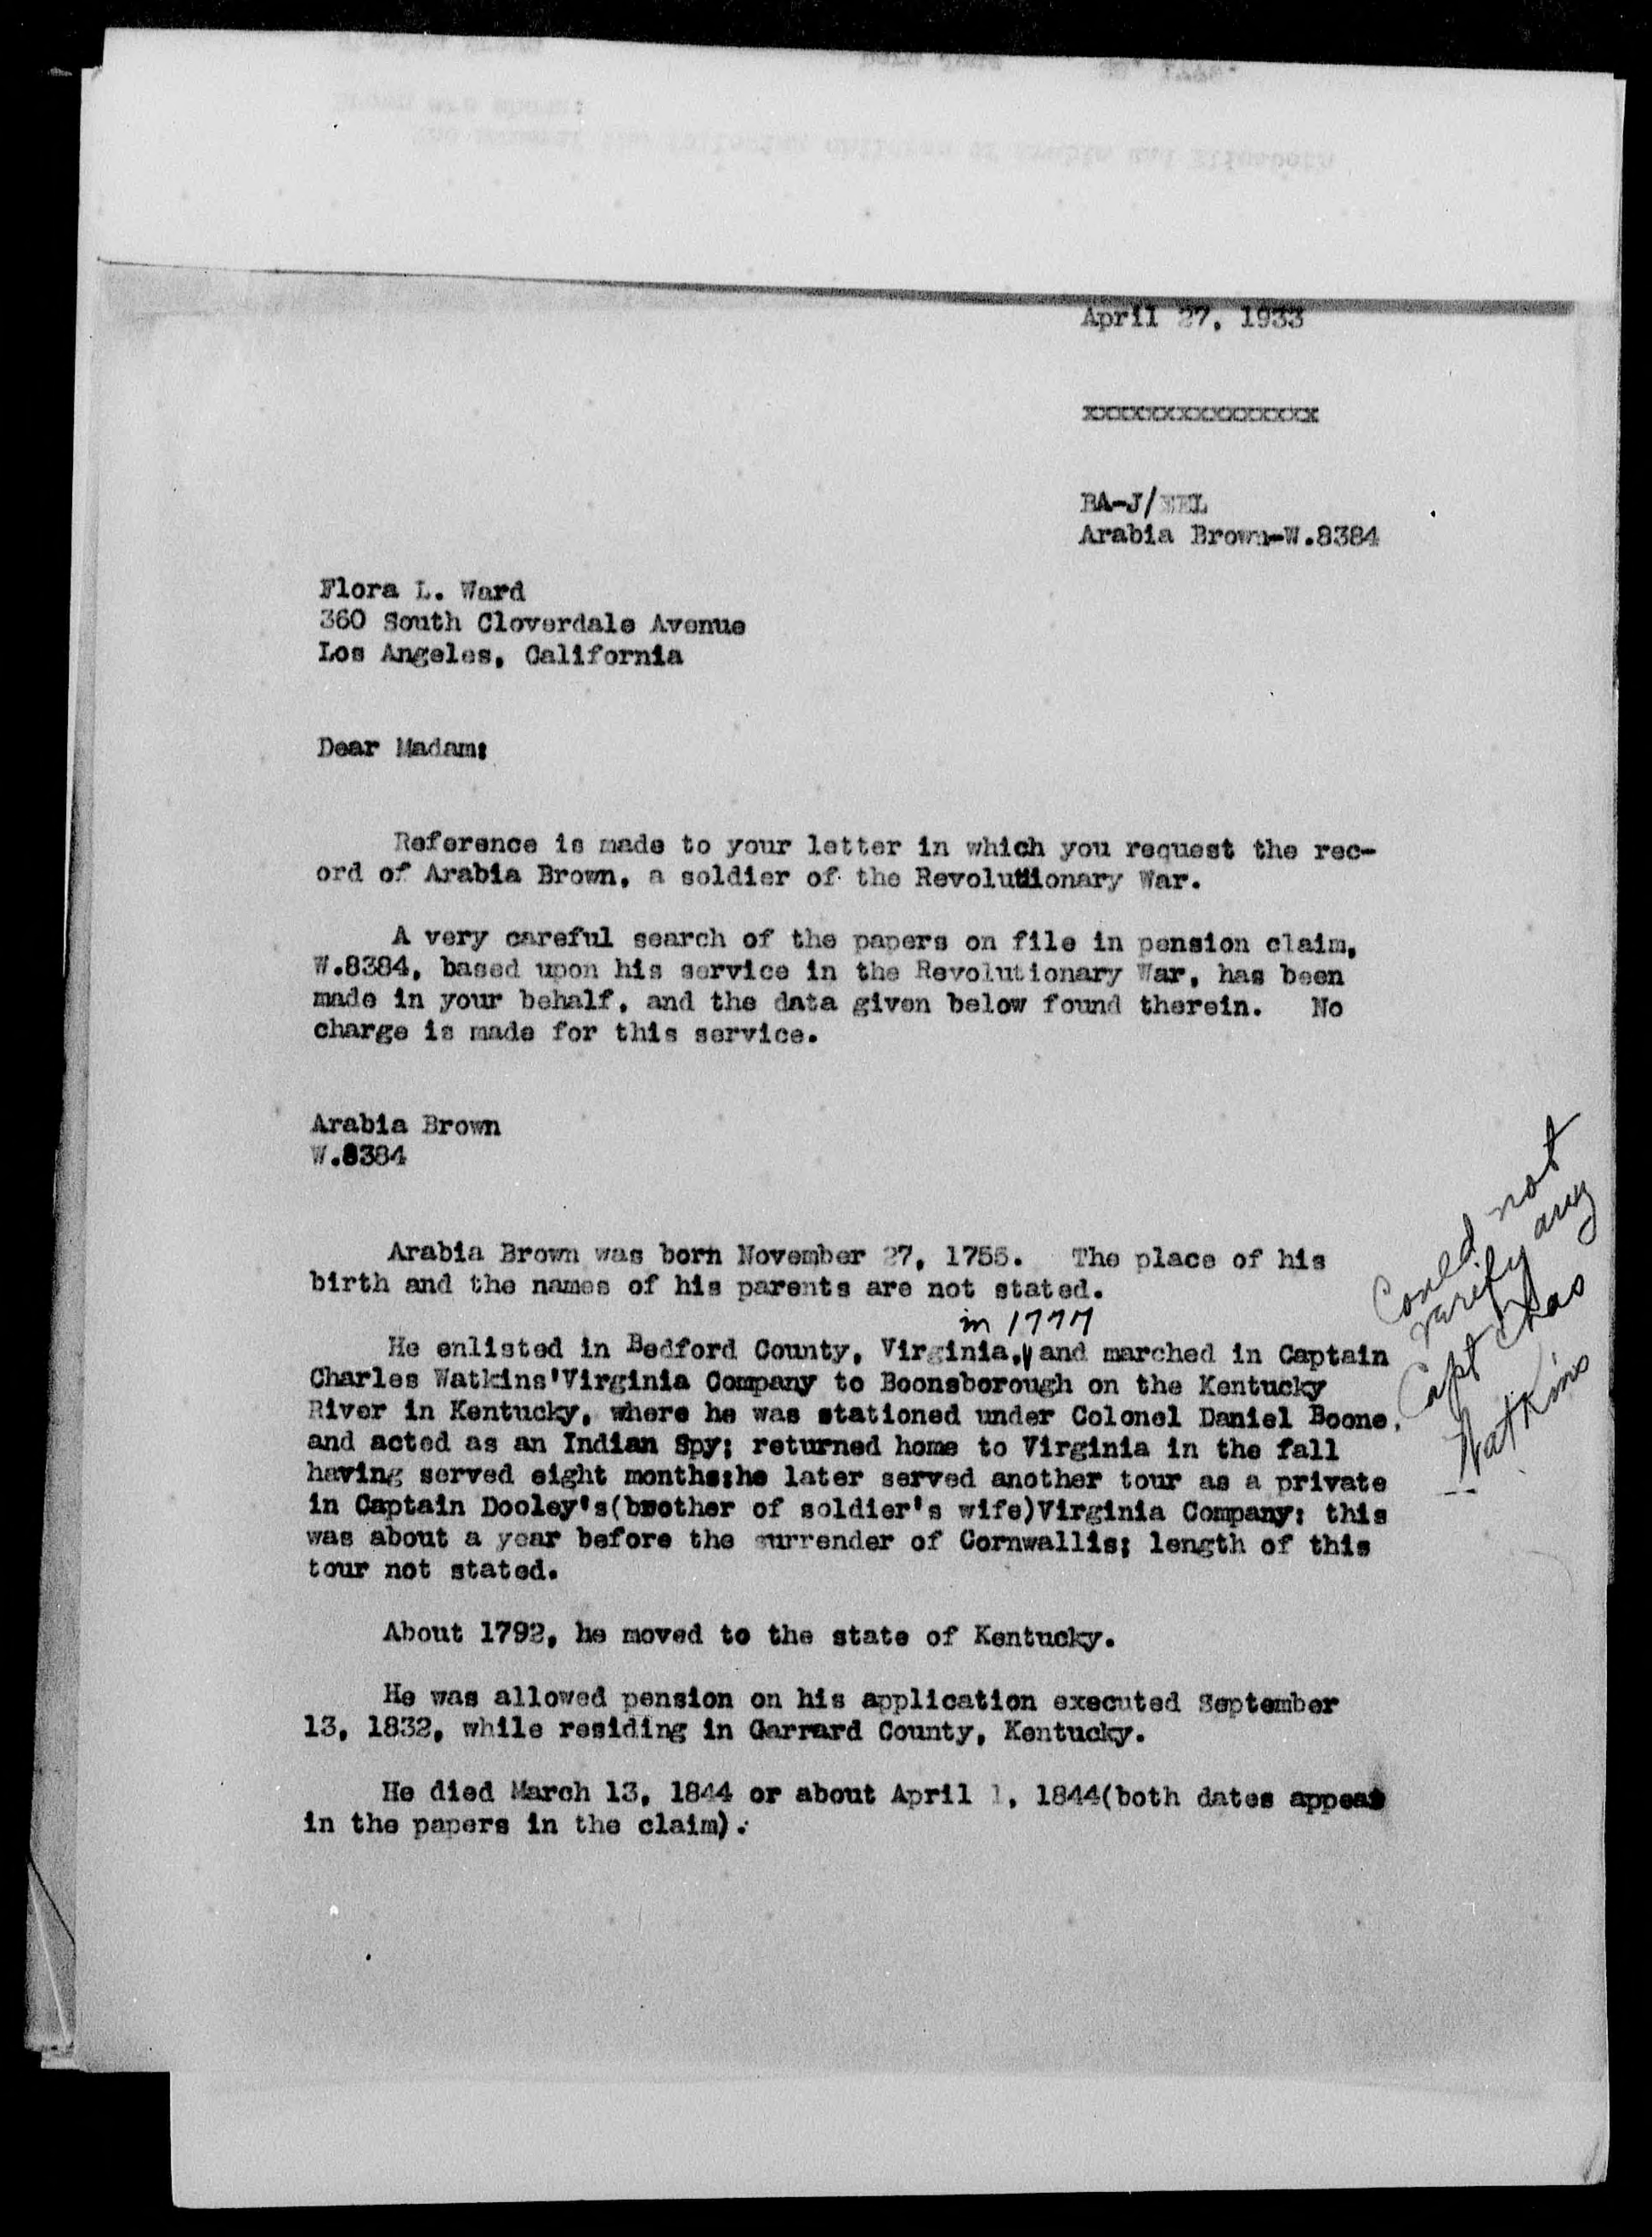April 27, 1933


xxxxxxxxxxxxxx

BA-J/EEL
Arabia Brown-W.8384

Flora L. Ward
360 Cloverdale Ave.
Los Angeles, California

Dear Madam:

Reference is made to your letter in which you request the rec-
old of Arabia Brown, a soldier in the Revolutionary War.

A very careful search of the papers on file in pension claim,
W.8384, based upon his service in the Revolutionary War, has bee
made in your behalf, and the data given below found therein.  No
charge is made for this service.

Arabia Brown
W.8384

Arabia Brown was born November 27, 1755.  The place of his
birth and the names of his parents are not stated.

He enlisted in Bedford County, Virginia ^ in 1777 and marched in Captain 
Charles Walkins' Virginia Company to Boonsborough on the Kentucky 
River in Kentucky, where he was stationed under Colonel Daniel Boone
and acted as an Indian Spy; returned home to Virginia in the fall
having served eight months; he later served another tour as a private
in Captain Dooley's (brother of soldier's wife) Virginia Company; this
was about a year before the surrender of Cornwallis' length of this
tour not stated.

About 1792, he moved to the state of Kentucky.

He was allowed pension on his application executed September
13, 1832, while residing in Garrad County, Kentucky.

He died March 13, 1844 or about April 1, 1844 (both dates appear 
in the papers in the claim).

HANDWRITTEN NOTE IN MARGIN ON RIGHT SIDE OF PAPER:

Could not verify any Capt. Chas Watkins.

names: Arabia Brown, Chas Watkins, Daniel Boone, Flora L Ward, Arabia Brown, Arabia Brown, Arabia Brown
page: 40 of 65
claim: widow's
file: W. 8384, Arabia Brown, Va.